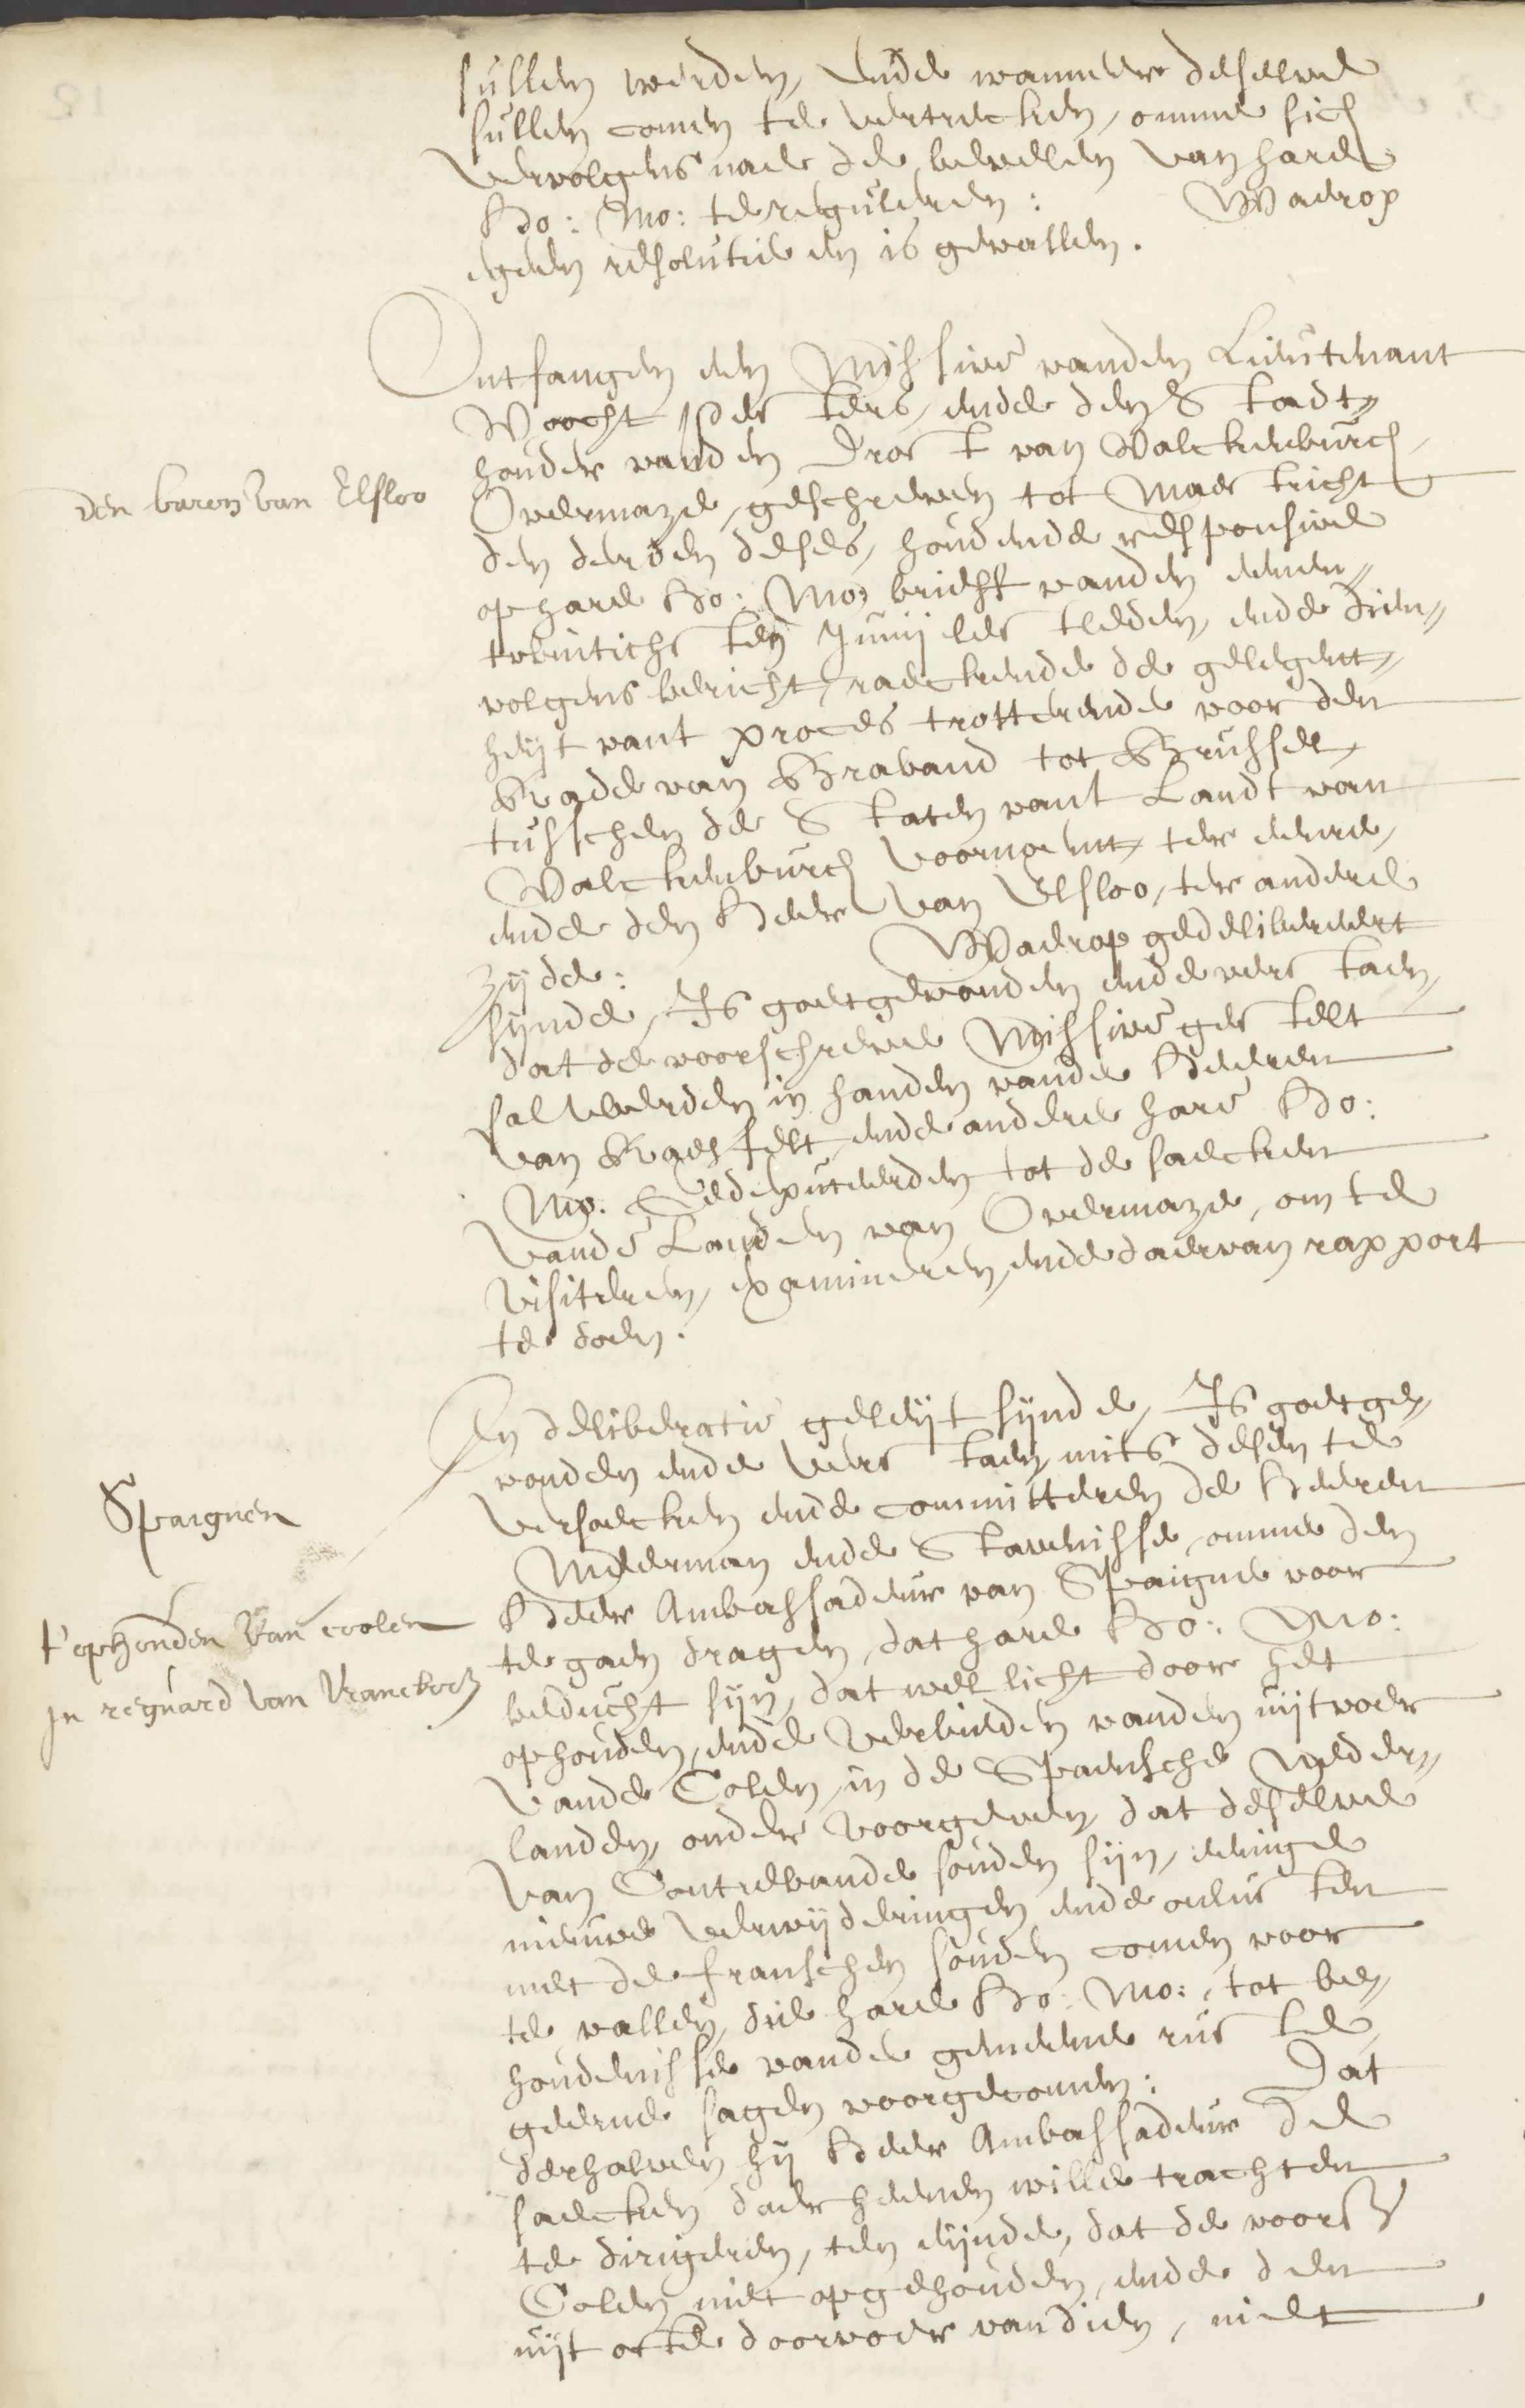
sullen werden, ende wanneer deselve
sullen comen te vertrecken, omme sich
vervolgens nae de bevelen van hare
Ho:Mo: te reguleren: Waerop
egeen resolutie en is gevallen.
den baron van Elsloo
Ontfangen een Missive vanden Lieutenant
Voocht Pesters, ende den Stadt„
houder vanden Drost van Valckenburch,
Overmaze, geschreven tot Maestricht
den derden deses, houdende responsive
op hare Ho:Mo: brieff vanden eenen„
twintichsten Junij lestleden, ende dien„
volgens bericht, raeckende de gelegent„
heijt vant proces trotterende voor den
Rade van Braband tot Brussel,
tusschen de Staten vant Landt van
Valckenburch voornoemt, ter eenre,
ende den Heer van Elsloo, ter andere
zijde: Waerop gedelibereert
sijnde, Is goetgevonden ende verstaen,
dat de voorschreve Missive gestelt
sal werden in handen vande Heeren
van Raesfelt, ende andere hare Ho:
Mo: Gedeputeerden tot de saecken
vande Landen van Overmaze, om te
visiteren, examineren, ende daervan rapport
te doen.
Spaignen
t'ophouden van coolen
in reguard van Vranckr
In deliberatie geleijt sijnde, Is goetge„
vonden ende verstaen, mits desen te
versoecken ende committeren de Heeren
Meerman ende Stavenisse, omme der
Heer Ambassadeur van Spaigne voor
te gaen dragen, dat hare Ho:Mo:
beducht sijn, dat wellicht door het
ophouden, ende verbieden vanden uijtvoer
vande Colen, in de Spaensche Neder„
landen, onder voorgeven, dat deselve
van Contrebande souden sijn, eenige
nieuwe verwijderingen ende onlusten
met de franschen souden comen voor
te vallen, die hare Ho:Mo:, tot be„
houdenisse vande gemeene ruste
geerne sagen voorgecomen: Dat
derhalven hij Heer Ambassadeur de
saecken daerheenen wille trachten
te dirigeren, ten eijnde, dat de voors
Colen niet opgehouden, ende den
uijt ofte doorvoer van dien, niet
